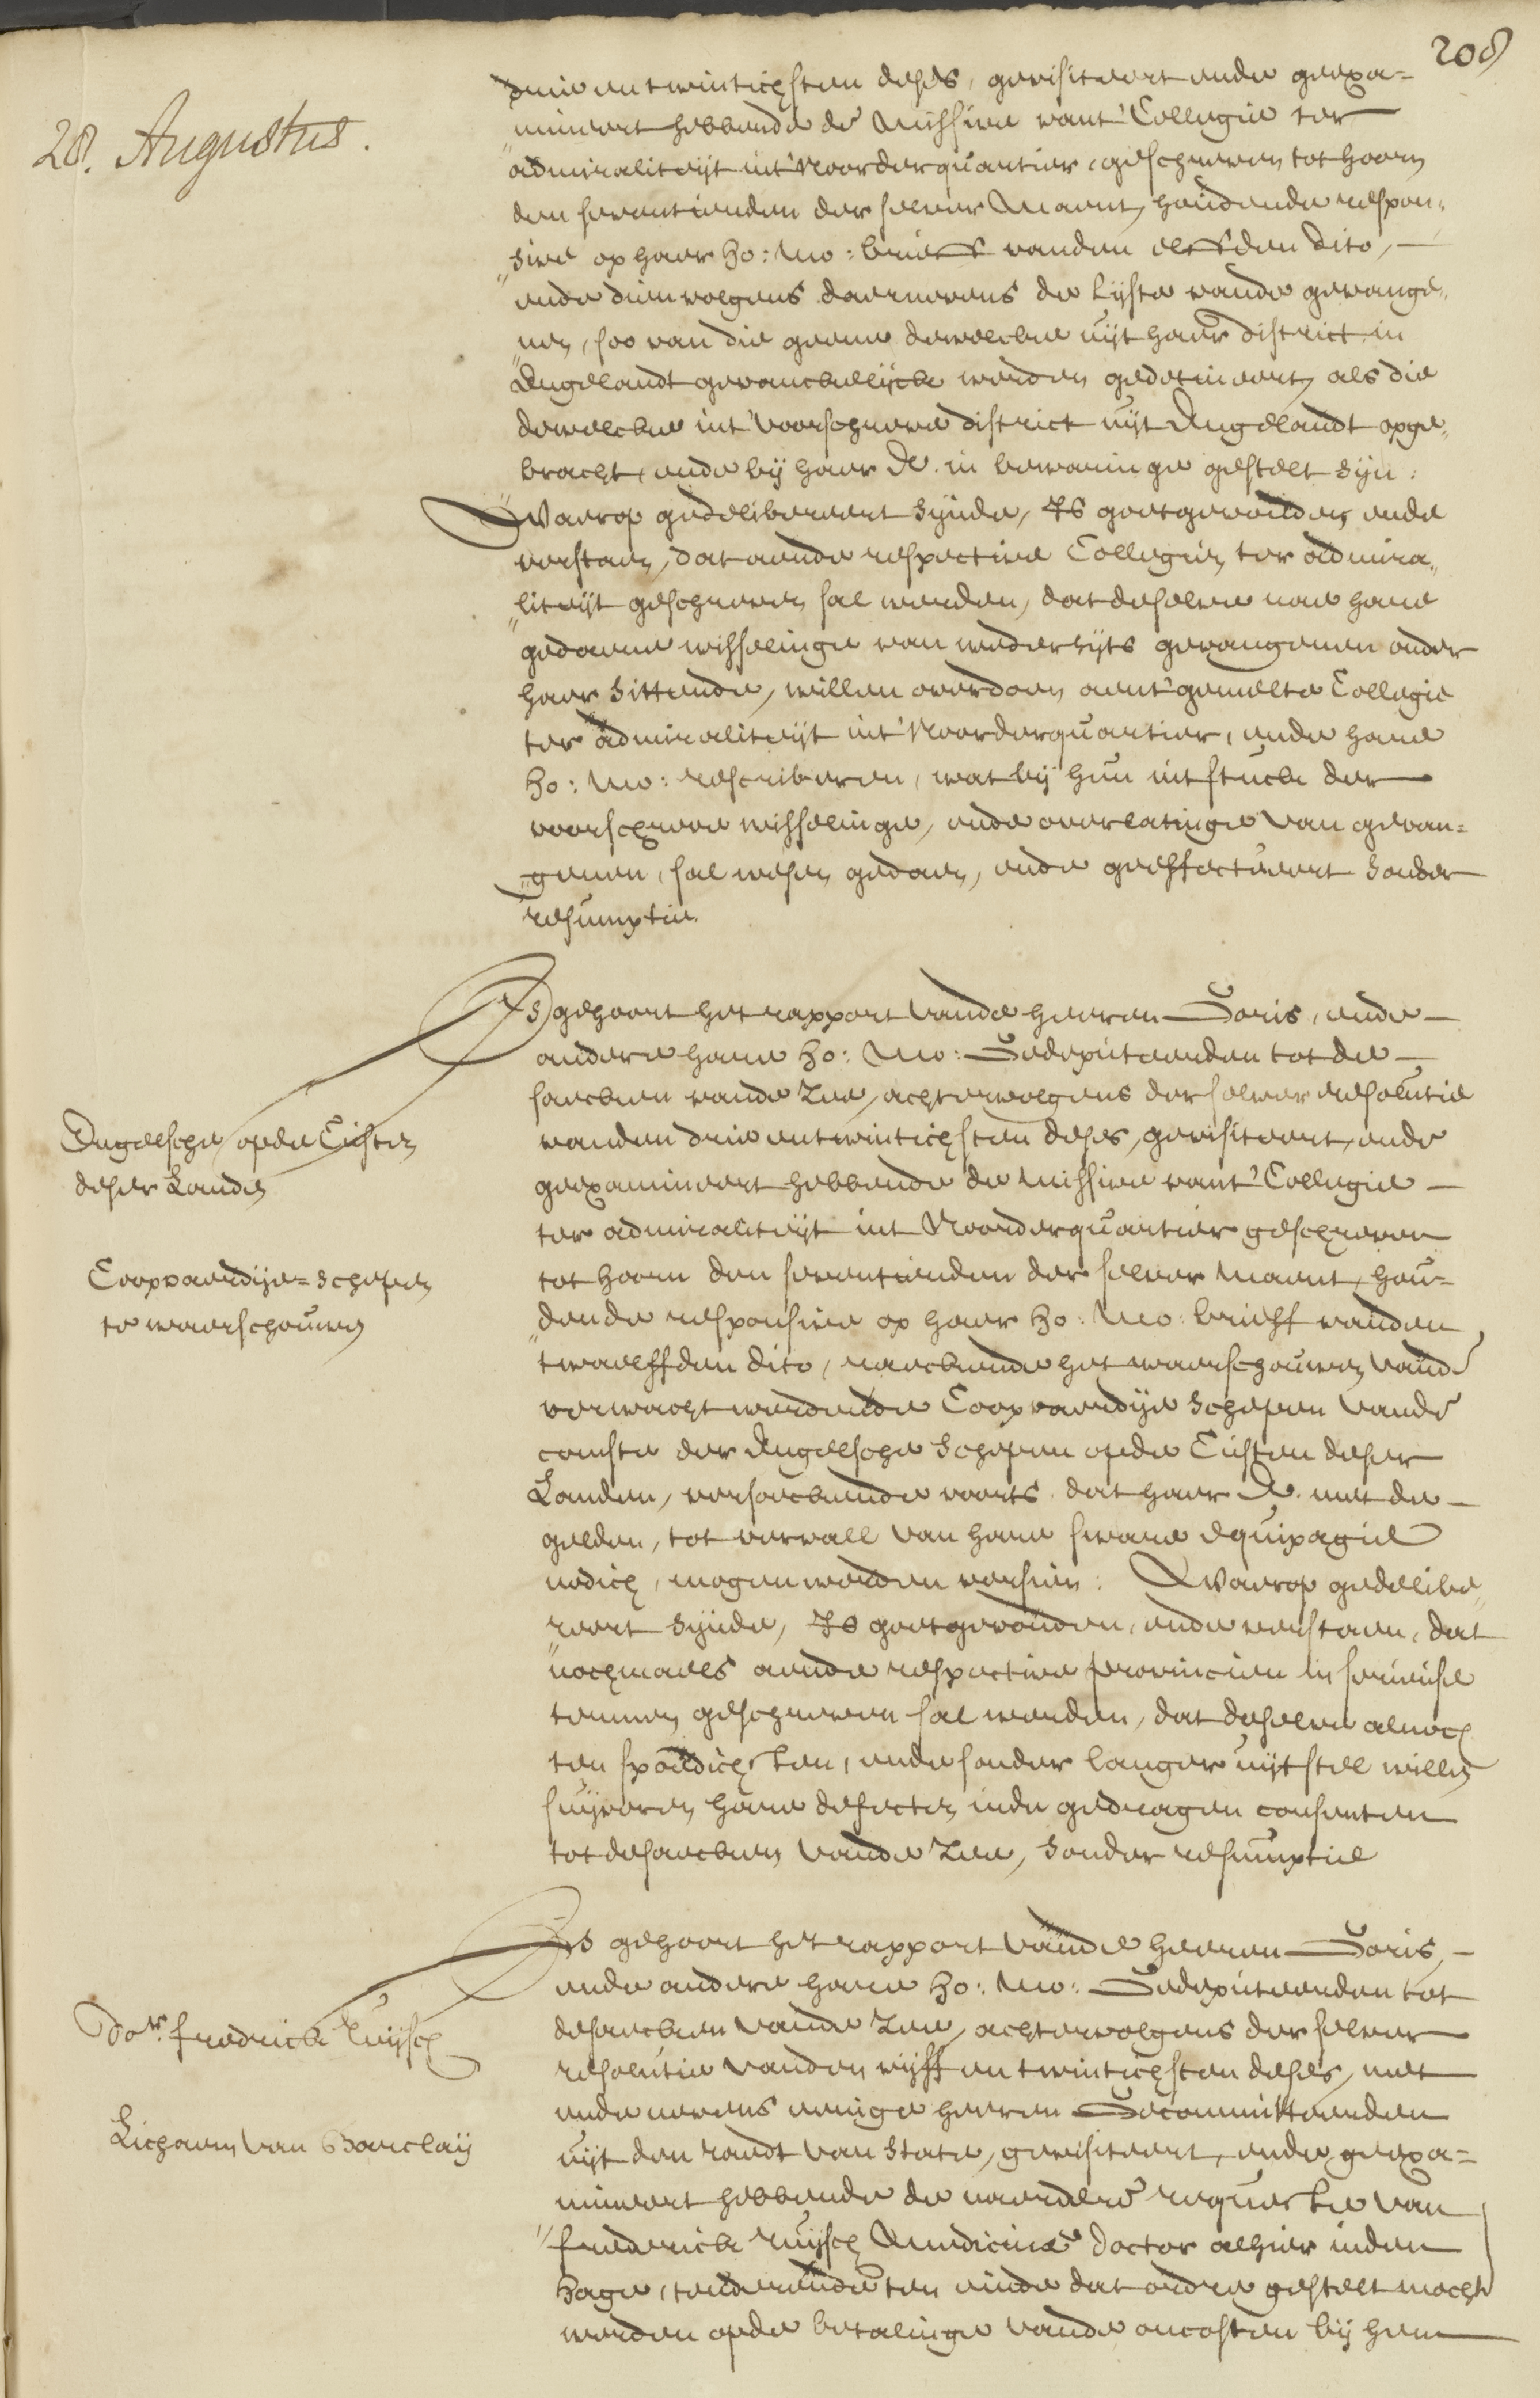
208
28. Augustus.
drie en twintichsten deses, gevisiteert ende geexa„
,,mineert hebbende de missive vant' Collegie ter
admiraliteijt int Noorderquartier, geschreven tot Hoorn
den seventienden der selver maent, houdende respon„
,,sive op haer Ho:Mo: brieff vanden elffden dito, -
ende dienvolgens daernevens de lijste vande gevange„
,,nen, soo van die geene dewelcke uijt haer district in
Engelandt gevanckelijck werden gedetineert, als die
dewelcke int voorschreve district uijt Engelandt opge„
,,bracht, ende bij haer E. in bewaringe gestelt sijn.
Waerop gedelibereert sijnde, Is goetgevonden ende
verstaen, dat aende respective Collegien ter admira„
,,liteijt geschreven sal werden, dat deselve nae hare
gedaene wisselinge van wedersijts gevangenen onder
haer sittende, willen overdoen aent' gemelte Collegie
ter admiraliteijt int' Noorderquartier, ende hare
Ho:Mo: rescriberen, wat bij hun int stuck der
voorschreve wisselinge, ende overlatinge van gevan„
,,genen, sal wesen gedaen, ende geeffectueert sonder
resumptie.
Engelsche opde Custen
deser Landen
Coopvaerdije schepen
te waerschouwen
Is gehoort het rapport vande heeren Goris, ende
andere hare Ho:Mo: Gedeputeerden tot de
saecken vande Zee, achtervolgens derselver resolutie
vanden drieentwintichsten deses, gevisiteert ende
geexamineert hebbende de missive vant' Collegie
ter admiraliteijt int Noorderquartier geschreven
tot Hoorn den seventienden der selver maent, hou„
,,dende responsive op haer Ho:Mo: brieff vanden
twaelffden dito, raeckende het waerschouwen vande
verwacht werdende Coopvaerdije schepen vande
comste der Engelsche schepen opde Custen deser
Landen, versoeckende voorts dat haer E. met de
gelden, tot vervall van heure sware equipagie
nodich, mogen werden versien: Waerop gedelibe„
,,reert sijnde, Is goetgevonden, ende verstaen, dat
nochmaels aende respective provincien in serieuse
termen geschreven sal werden, dat deselve alnoch
ten spoedichsten, ende sonder langer uijtstel willen
suijveren hare defecten inde gedragen consenten
tot de saecken vande Zee, sonder resumptie.
Dor Fredrick Ruijsch
Lichaem van Barclaij
Is gehoort het rapport vande heeren Goris
ende andere hare Ho:Mo: Gedeputeerden tot
desaecken vande Zee, achtervolgens der selver
resolutie vanden vijff en twintichsten deses, met
ende nevens eenige heeren Gecommitteerden
uijt den raedt van State, gevisiteert, ende geexa„
mineert hebbende de naerdere requeste van
Frederick ruijsch Medicinae doctor alhier inden
Hage, tenderende ten einde dat ordre gestelt mochte
werden opde betalinge vande oncosten bij hem
